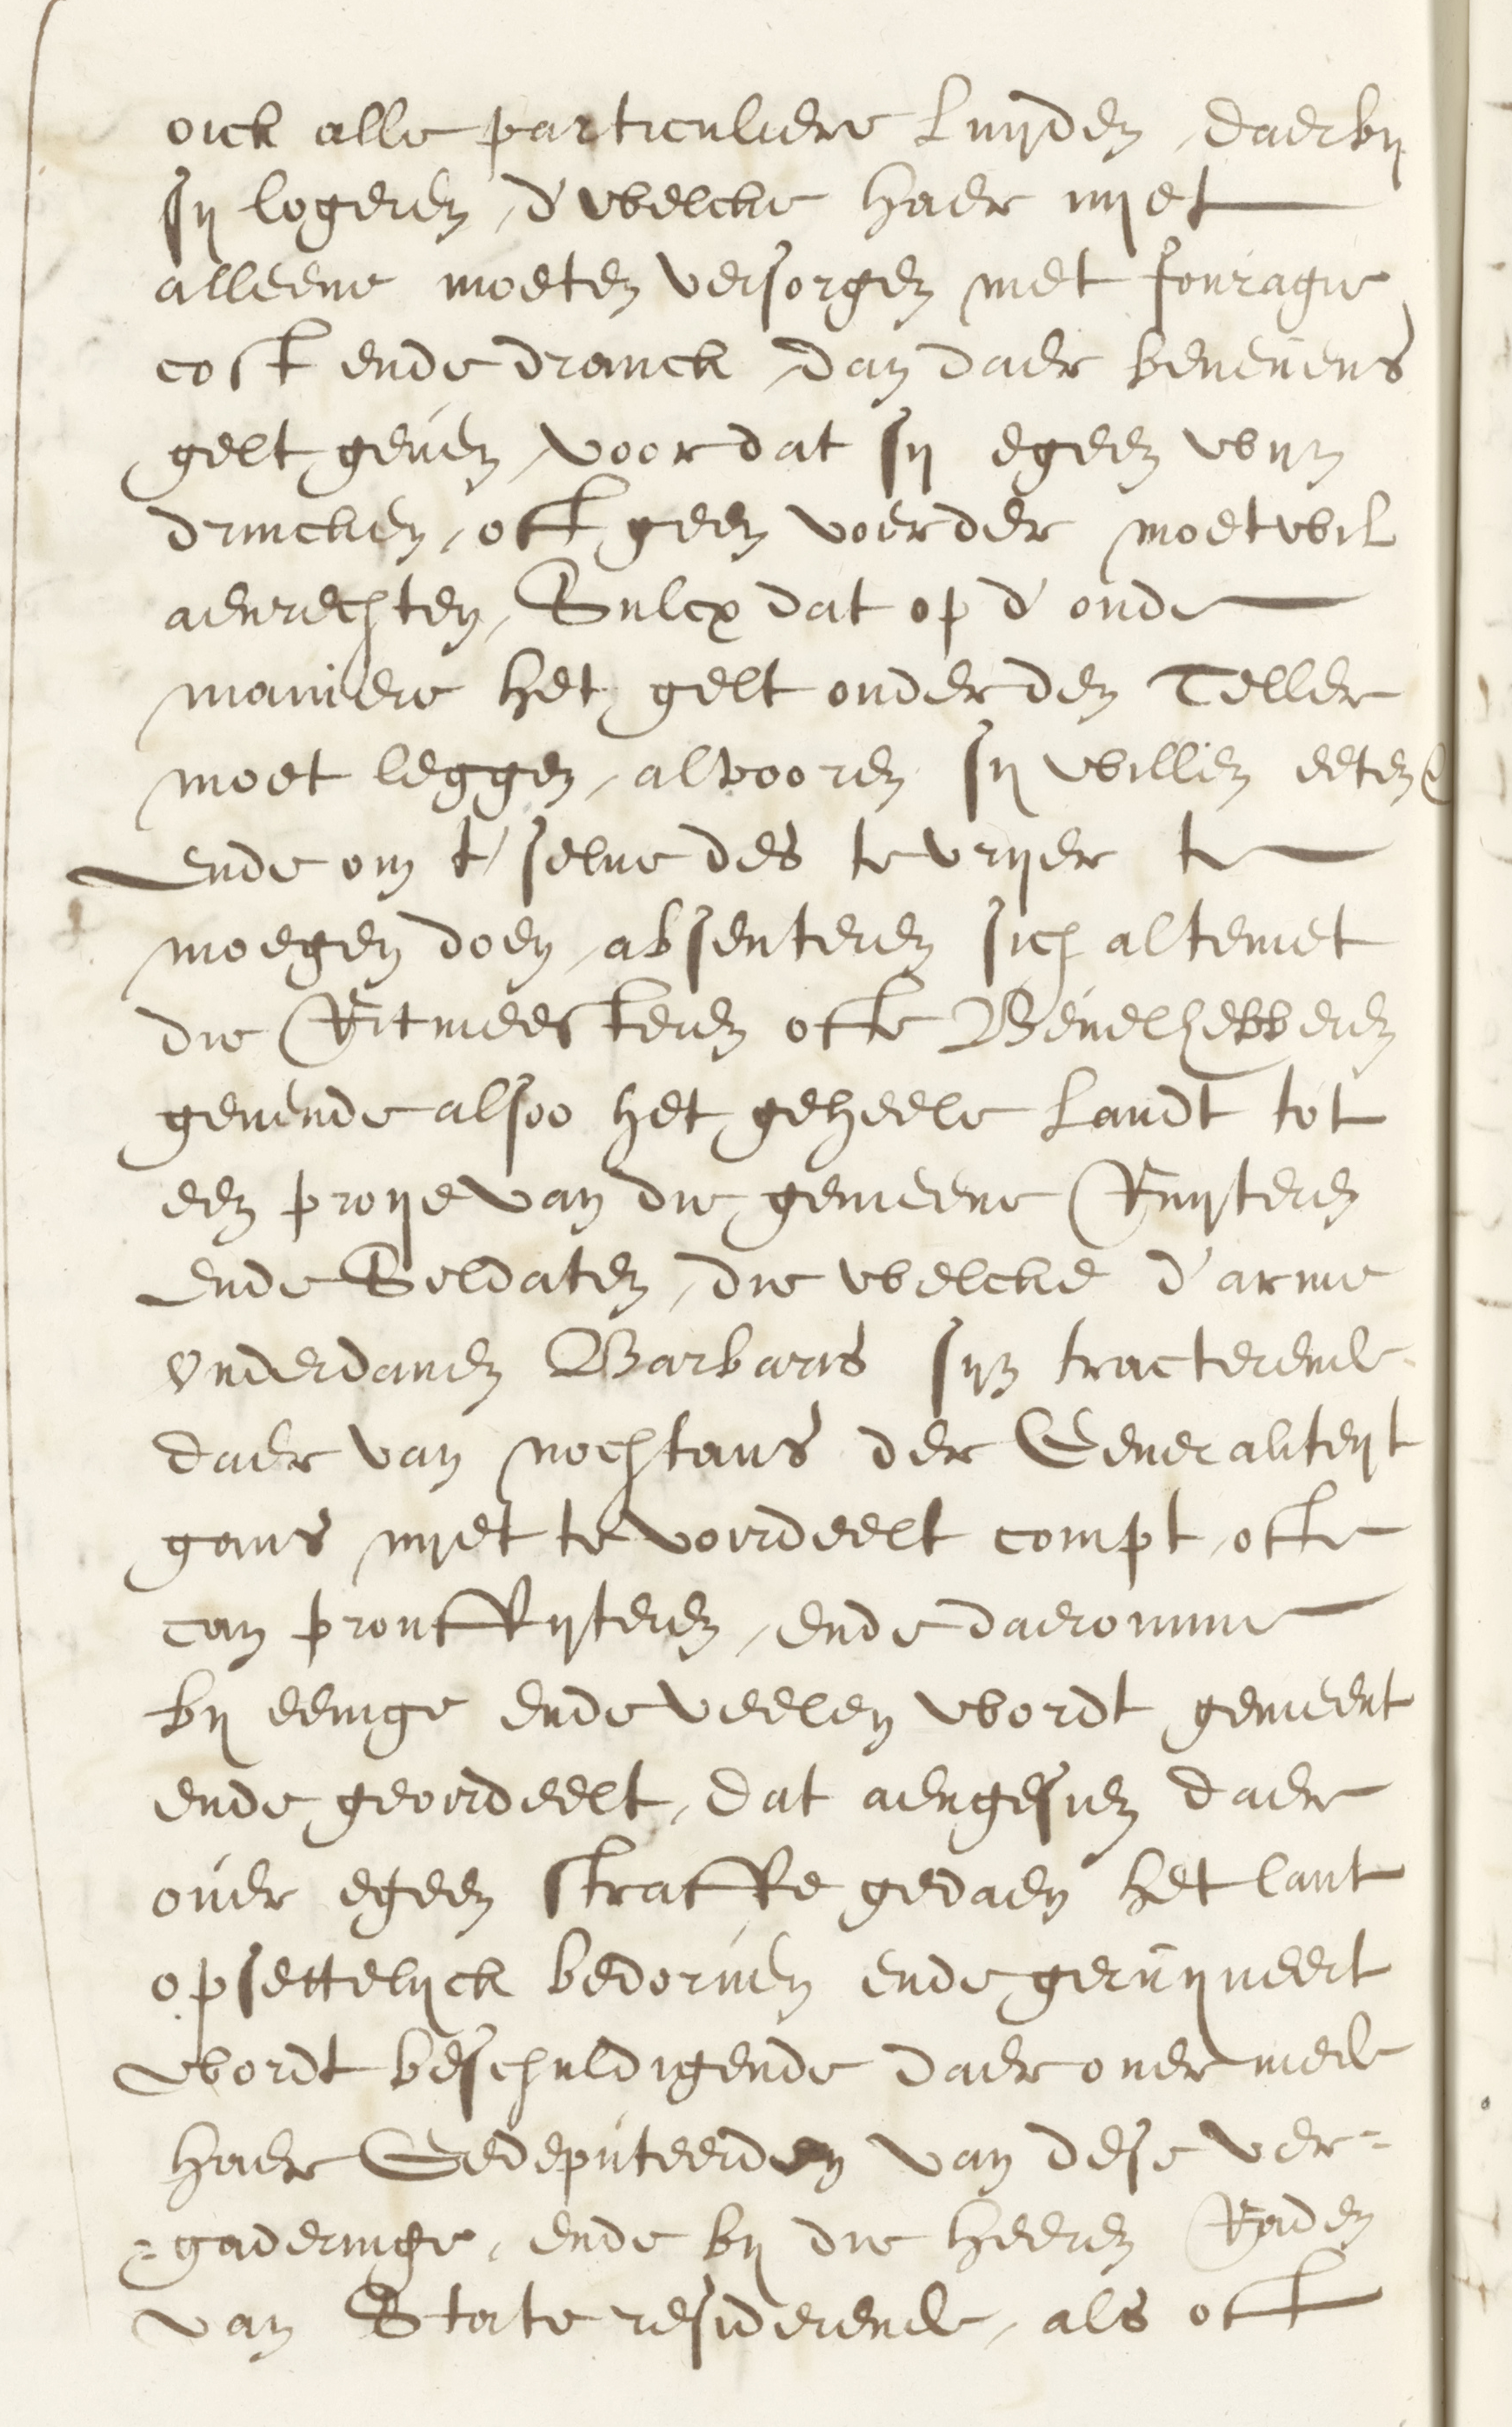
oick alle particuliere luyden, daerby
sy logeren, d‛welcke haer nyet
alleene moeten versorgen met fouragie
cost ende dranck, dan daer beneuens
gelt geuen, voor dat sy egeen wyn
drincken, off geen voerder moetwil
aenrechten, Sulcx dat op d‛oude
maniere het gelt onder den teller
moet leggen, alvooren sy willen eeten E
ende om t‛selue des te vryer te
moegen doen, absenteren sich altemet
die Ritmeesteren ofte Beuelhebberen
geuende alsoo het geheele Landt tot
een proye van die gemeene Ruyteren
ende Soldaten, die welcke d‛arme
onderdanen Barbaris syn tracterende
daer van nochtans der Generaliteyt
gans nyet te voirdeelt compt, ofte
can prouffyteren, ende daeromme
by eenige ende veelen wordt gemeent
ende geoirdeelt, dat aengesien daer
ouer egeen straffe gedaen het lant
opsettelyck bedoruen ende geruyneert
wordt beschuldigende daer ouer mede
haer Gedeputeerden van dese ver„
„gaderinge, ende by die heeren Raden
van State residerende, als off
